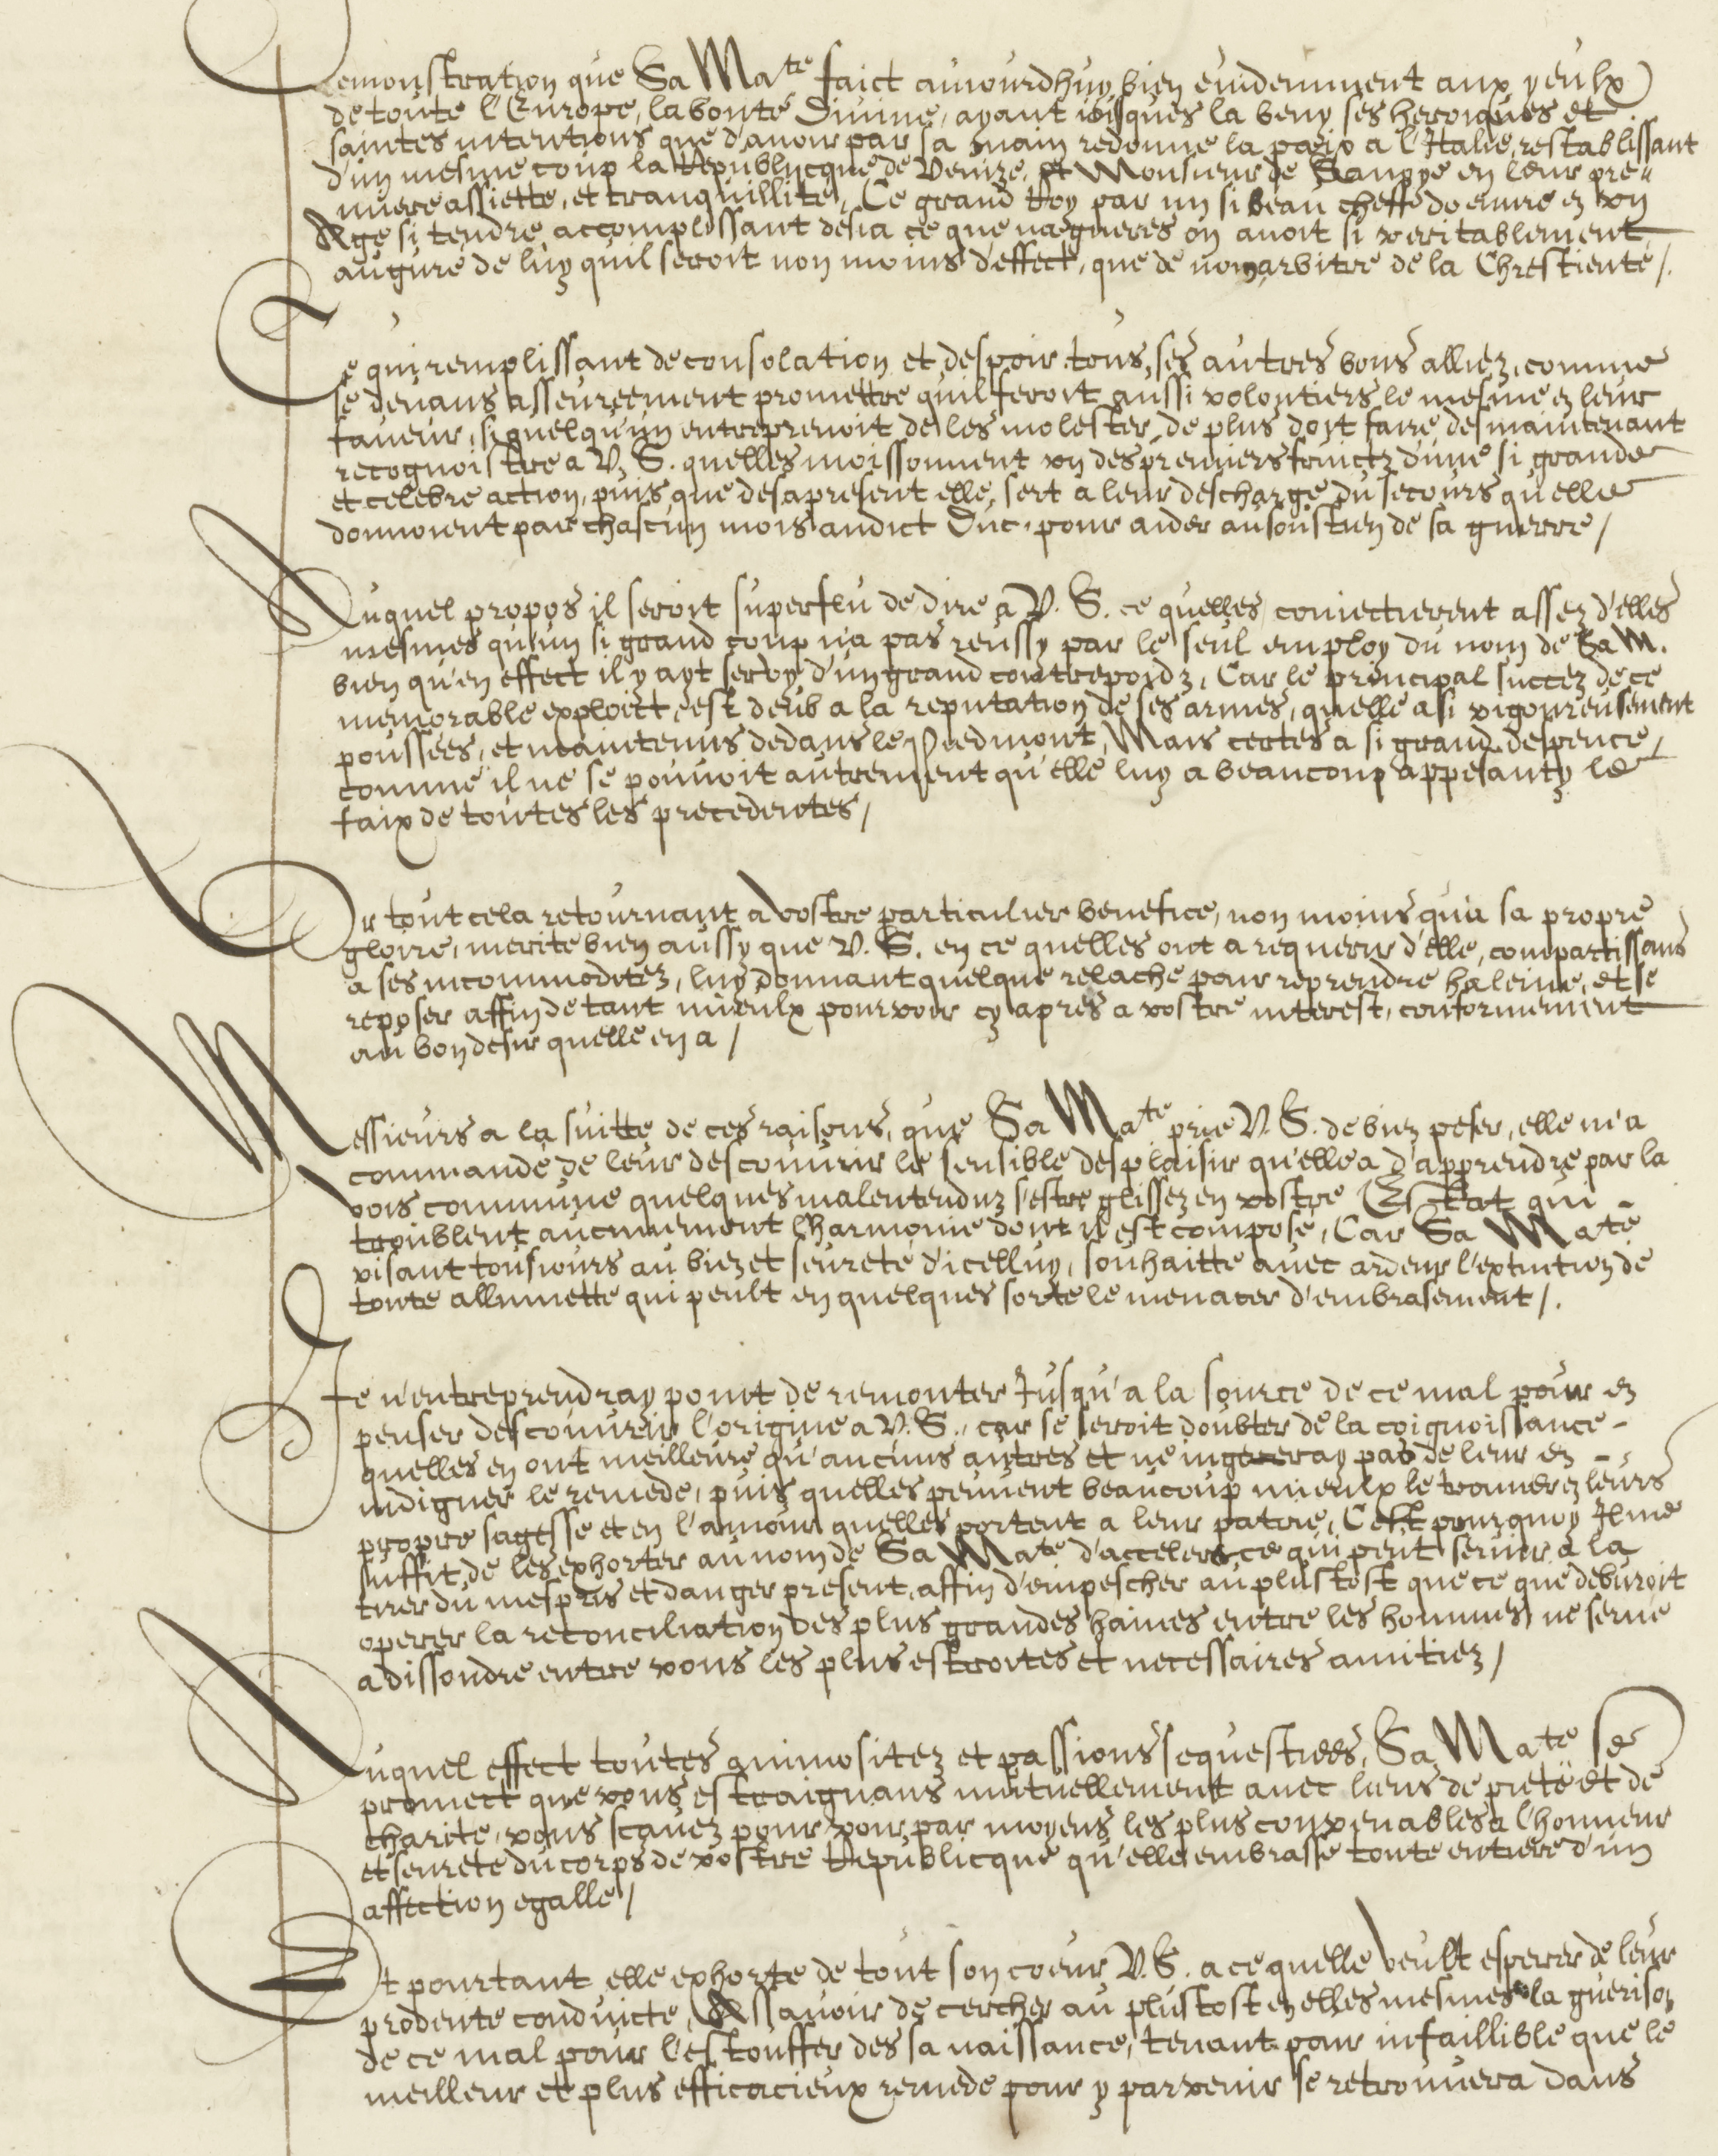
Demonstration que Sa Mate. faict auiourdhuy bien euidemment aux yeulx
de toute l‛Europe, la bonté Diuine, ayant ioisques la beny ses heroiques et
saintes intentions que d‛auoir par sa main redonne la paix a l‛Italie, restablissant
d‛un mesme coup la Republycque de Venize, et Monsieur de Sauoye en leur pre,,
miere assiete, et tranquillité, Ce grand Roy par un si beau cheffe de euure en vn
Age si tendre accomplissant desia ce que nagueres on auoit si veritablement
auguré de luy quil feroit non moins d‛effect, que de non arbitre de la Chrestienté
Ce qui remplissant de consolation, et despoir tous ses autres bons alliez, comme
se deuans asseureement promettre quil feroit aussi volontiers le mesme en leur
faueur, si quelqu‛un entreprenoit de les molester, de plus doyt faire des maintenant
recognoistre a V.S. quelles moissonnent vn des premiers fruictz d‛une si grande
et celebre action, puis que des a present elle sert a leur descharge du secours quelles
donnoient par chascun mois audict Duc, pour aider au soustien de sa guerre.
Auquel propos il seroit superflu de dire a V.S. ce quelles coniectierent assez d‛elles
mesmes qu‛un si grand coup na pas reussy par le seul employ du nom de Sa M.
bien qu‛en effect il y ayt servy d'un grand contrepoidz, Car le principal succez de ce
memorable exploict, est deub a la reputation de ses armes, quelle a si vigoureusement
poussees, et maintenus dedans le Piedmont, Mais certes a si grand despence,
comme il ne se pouuoit autrement qu‛elle luy a beaucoup appesanty le
faix de toutes les precedentes
Ou tout cela retournant a vostre particulier benefice, non moins qua sa propre
gloire, merite bien aussy que V.S. en ce quelles ont a requerir d‛elle, compartissans
a ses incommoditez, luy donnant quelque relache pour reprendre haleine, et se
reposer affin de tant mieulx pourvoir cy apres a vostre interest, conformement
au bon desir quelle en a.
Messiers a la suitte de ces raisons que Sa Mate. prie V.S. de bien peser, elle m‛a
commande de leur descouurir le sensible desplaisir qu'elle a d‛apprendre par la
voix commune quelques malentenduz s‛estre glissez en vostre Estat qui
troublent aucunement l‛harmonie dont il est compose, Car Sa Mate.
visant tousiours au bien et seureté d‛icelluy, souhaitte auec ardeur l‛extintien de
toute allumette qui peult en quelques sorte le menacer d'embrasement.
Je n‛entreprendray point de remonter Jusqu‛a la source de ce mal pour en
penser descouurir l‛origine a V.S. car se seroit doubter de la coignoissance
quelles en ont meilleure qu‛aucuns autres et ne ingeray pas de leur en
indigner le remede, puis quelles peuuent beaucoup mieulx le trouuer ez leurs
propre sagesse et en l‛amour quelles portent a leur patrie, Cest pourquoy Il me
suffit de les exhorter au nom de Sa Mate. d'accelerer ce qui peut seruir à la
tirer du mespris et danger present affin d'empescher au plustost que ce qui deburoit
operer la reconciliation des plus grandes haines entre les hommes ne serue
a dissondre entre vous les plus estroites et necessaires amitiez
Auquel effect toutes animositez et passions sequestrees, Sa Mate se
promect que vous estraignans mutuellement aux lieus de pieté et de
charite vous scauez pour voir par moyens les plus convenables a l‛honneur
et seurete du corps de vostre Republicque qu‛elle embrasse toute entier d‛une
affection egalle.
Et pourtant elle exhorte de tout son coeur V.S. a ce quelle veult esperer de leur
prodente conduicte, Assauoir de cerchey au plustost en elles mesmes la guerison
de ce mal pour l‛estouffer des sa naissance, tenant pour infaillible que le
meilleur et plus efficacieux remede pour y parvenir se retrouuera dans
